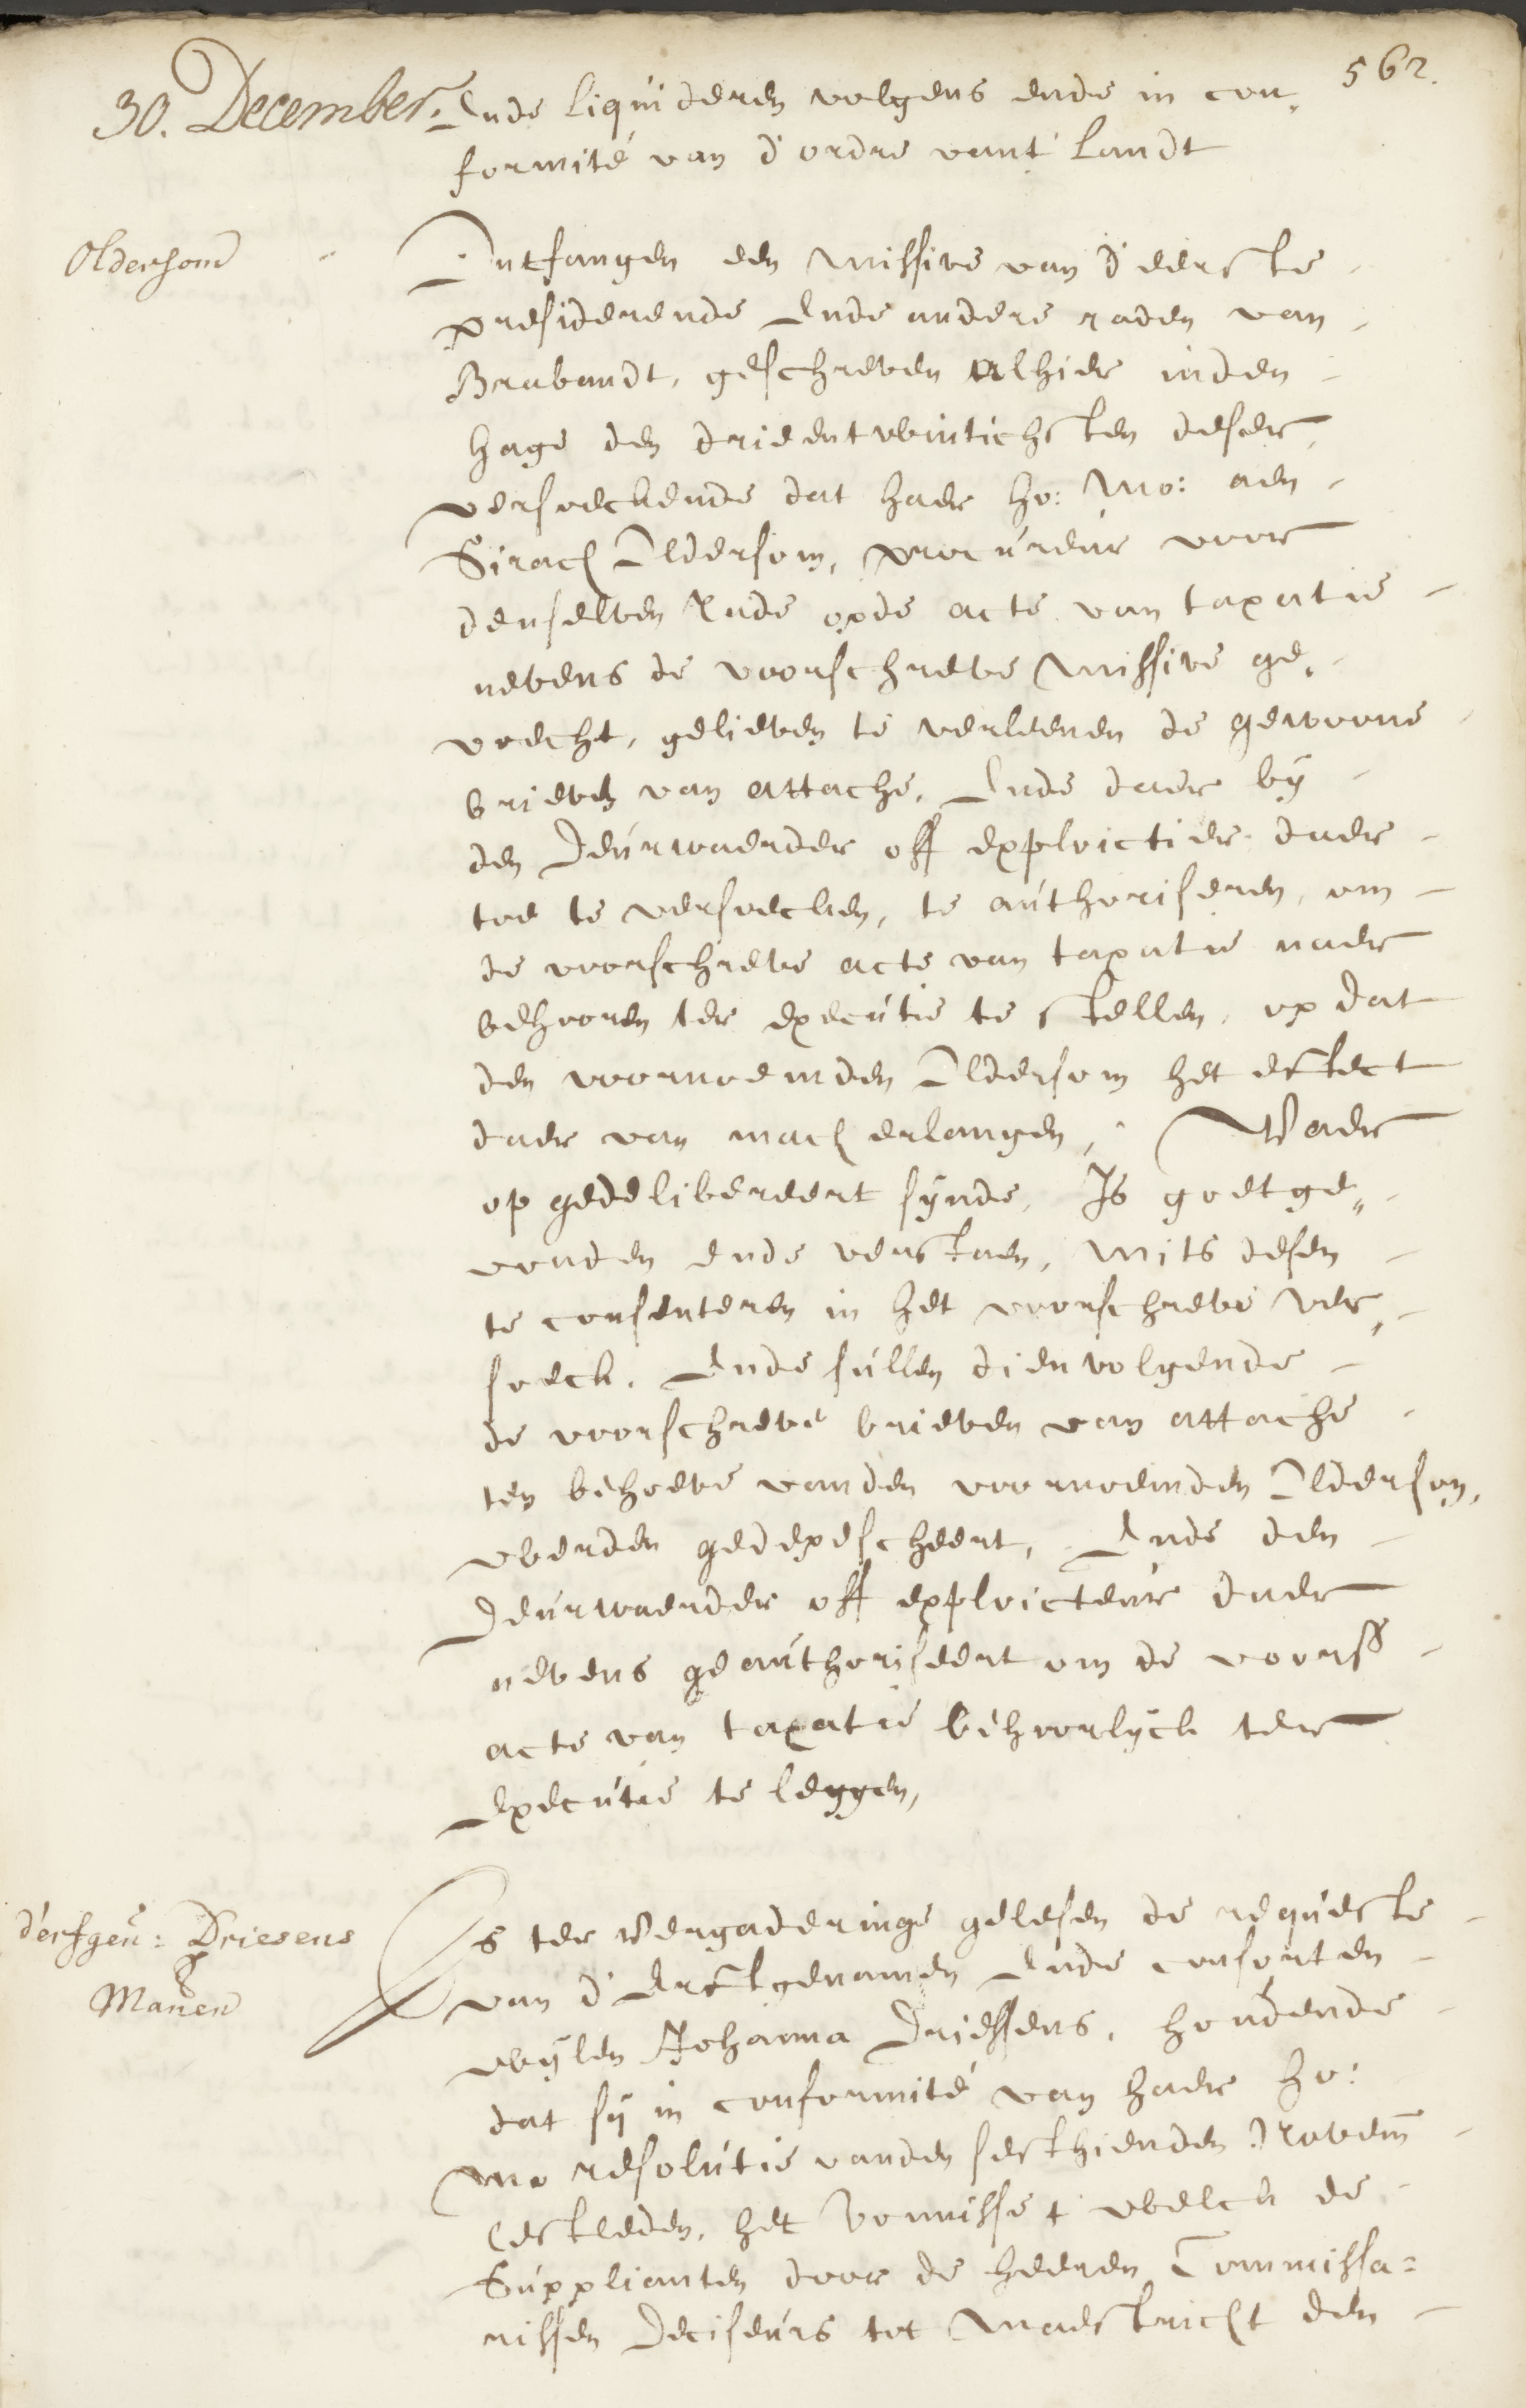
Ende Liquideren volgens ende in con„
formité van d‛ordre vant Landt
562.
30. December
Oldersom
Ontfangen een Missive van d‛eerste
presiderende Ende andere raden van
Brabandt, geschreven alhier inden
hage den drieentwintichsten deser,
versoeckende dat haer ho:Mo: aen
Sirach Oldersom, procureur voor
denselven Rade opde acte van taxatie
nevens de voorschreve Missive ge„
voecht, gelieven te verleenen de gewoone
brieven van attache. Ende daer bij
den Deurwaerder off exploictier daer
toe te versoecken, te authoriseren, om
de voorschreve acte van taxatie naer
behooren ter executie te stellen, op dat
den voornoemden Oldersom het effect
daer van mach erlangen; Waer
op gedelibereert sijnde, Is goetge„
vonden ende verstaen, mits desen
te consenteren in het voorschreve ver„
soeck. Ende sullen dienvolgende
de voorschreve brieven van attache
ten behoeve vanden voornoemden Oldersom
werden gedepescheert, Ende den
Deurwaerder off exploicteur daer
nevens geauthoriseert om de voors.
acte van taxatie behoorlijck ter
executie te leggen.
d‛erfgen.: Driesens
&
Manen
Is ter vergaderinge gelesen de requeste
van d‛Erffgenamen Ende consorten
wijlen Johanna Driessens, houdende
dat sij in conformité van haer ho:
Mo: resolutie vanden sesthienden Novem.
lestleden, het vonnisse t welck de
Supplianten door de heeren Commissa„
rissen Deciseurs tot Maestricht den
